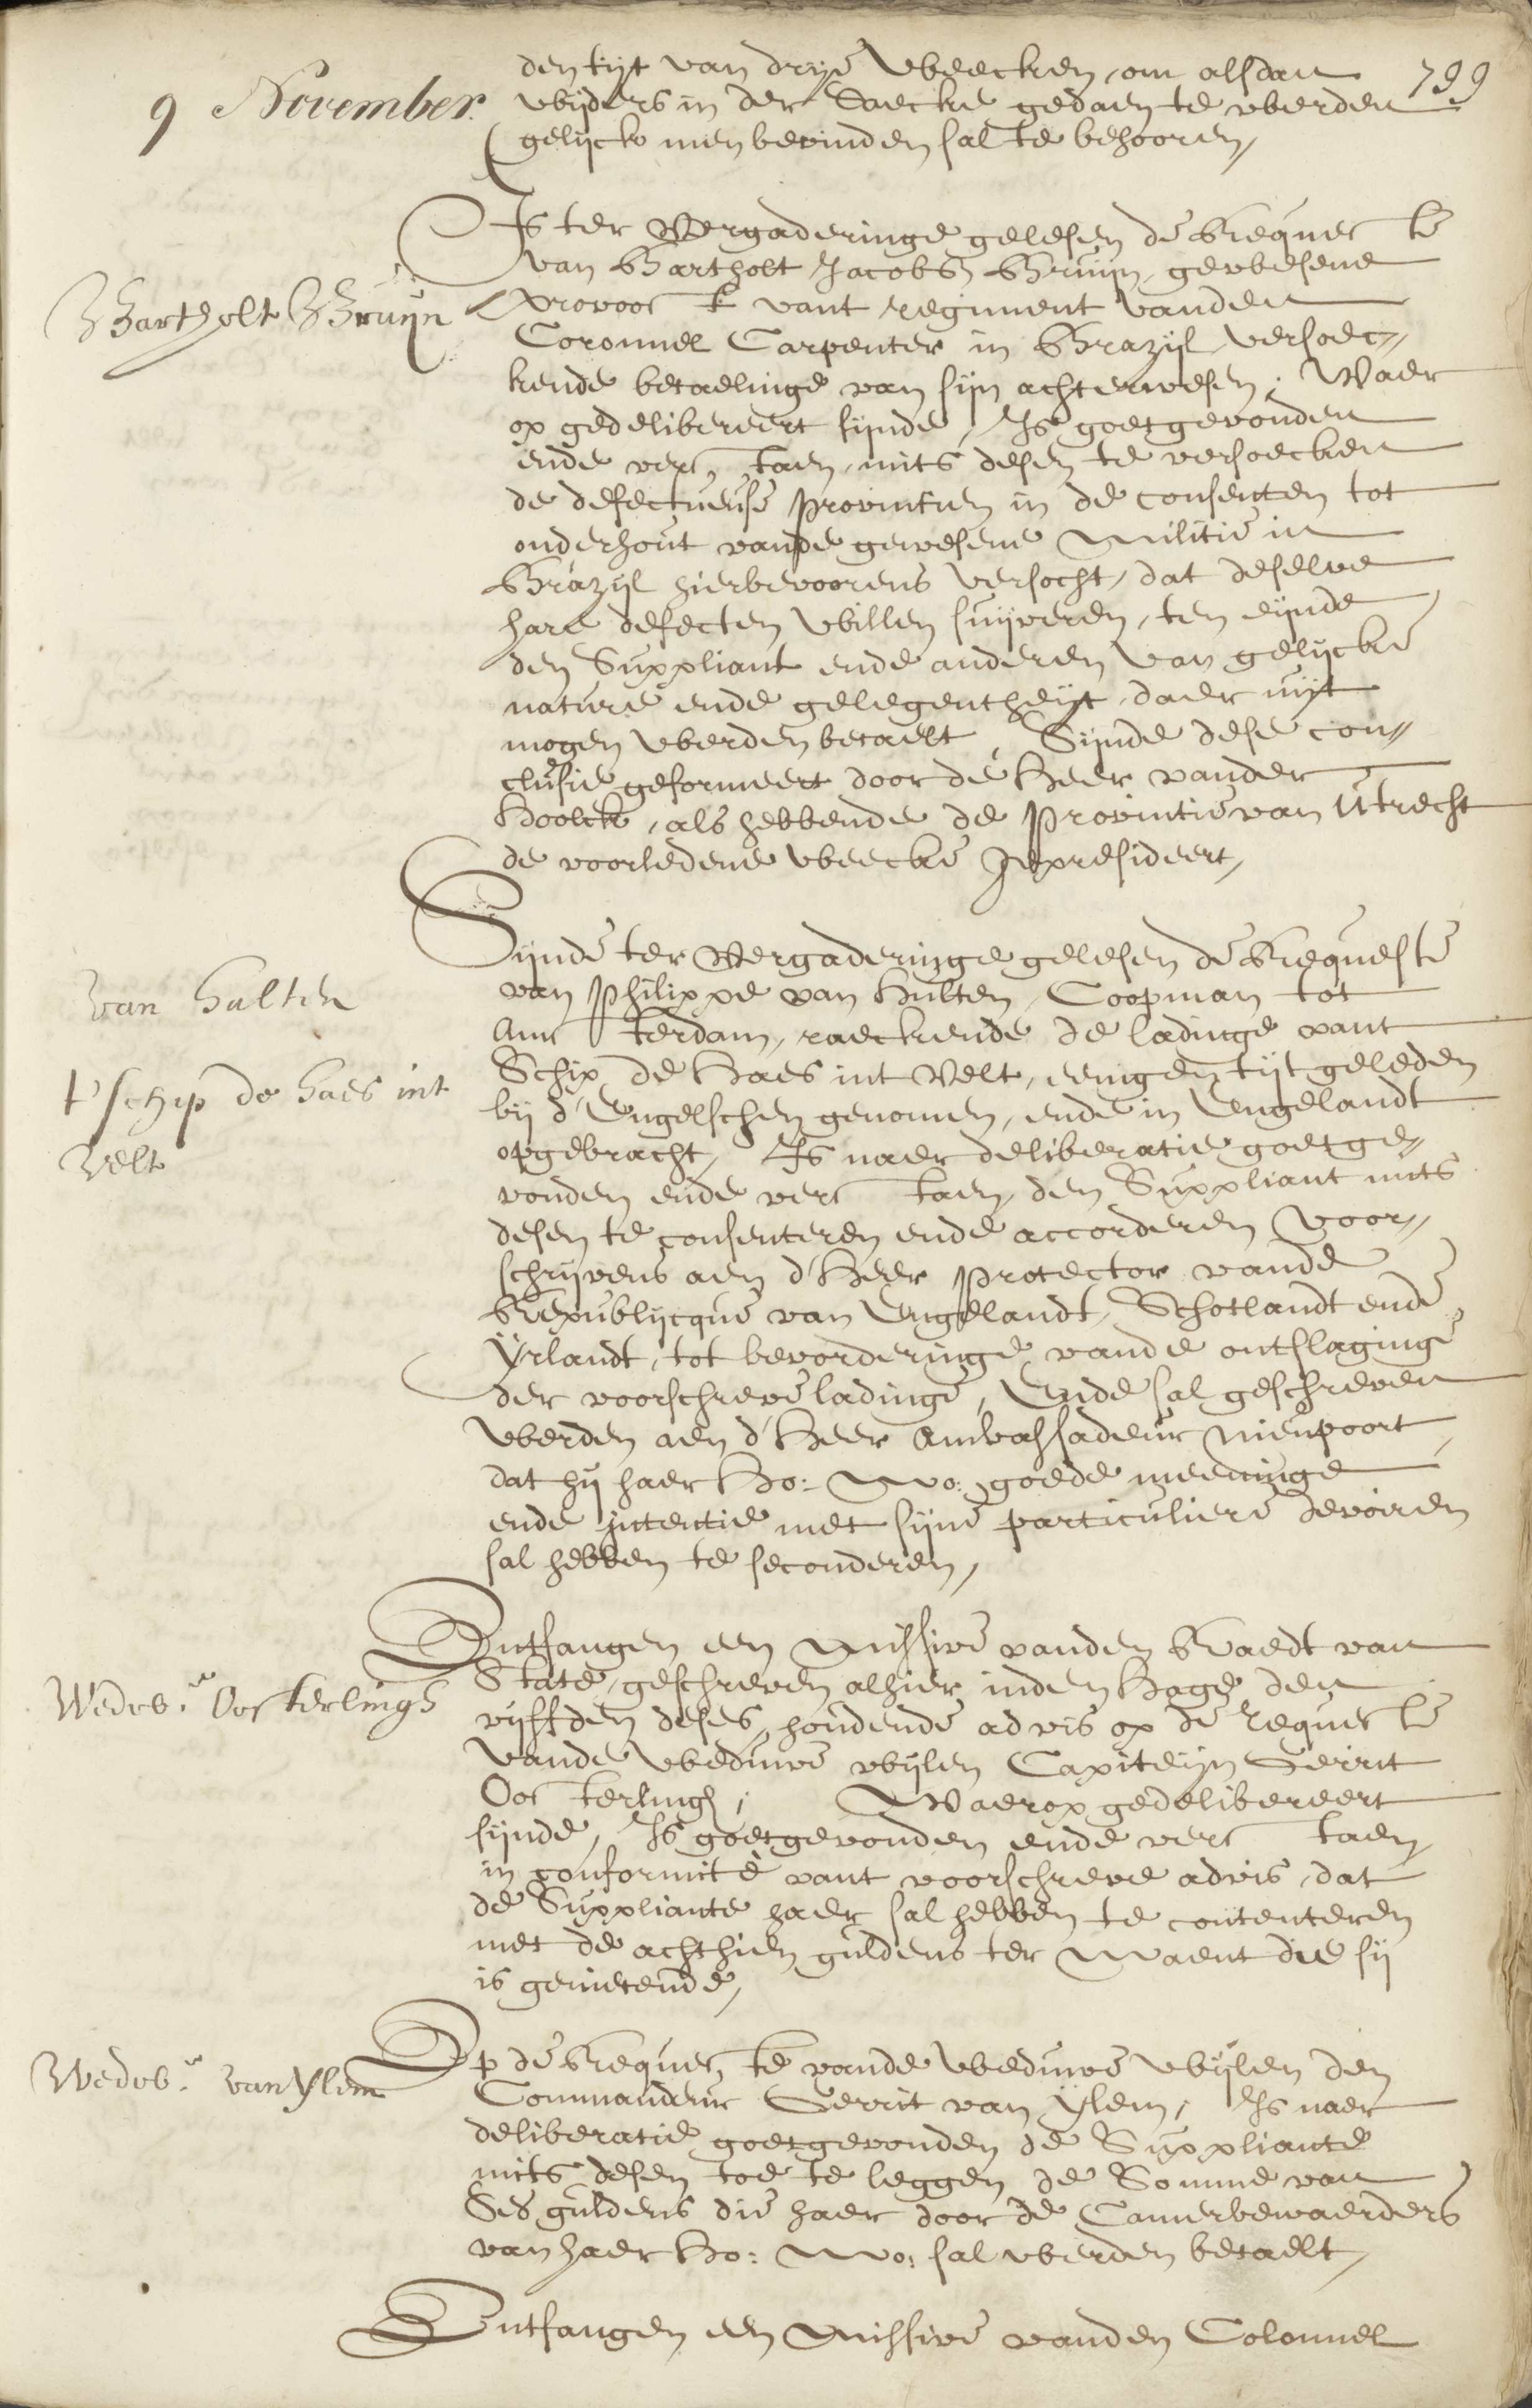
799
9 November.
den tijt van drije weecken, om alsdan
wijders in der Saecke gedaen te werden
gelijck men bevinden sal te behooren.
Bartholt Bruijn.
Is ter Vergaderinge gelesen de Requeste
van Bartholt Jacobs Bruijn, gewesene
provoost vant regiment vanden
Coronnel Carpenter in Brazijl, versoec„
kende betaelinge van sijn achterwesen; Waer
op gedelibereert sijnde, Is goetgevonden
ende verstaen, mits desen te versoecken
de defectueuse provintien in de consenten tot
onderhout vande gewesene Militie in
Brazijl hierbevoorens versocht, dat deselve
hare defecten willen suijveren, ten eijnde
den Suppliant ende anderen van gelijcke
nature ende gelegentheijt, daer uijt
mogen werden betaelt, Sijnde dese con„
clusie geformeert door de Heer vander
Hoolck, als hebbende de Provintie van Utrecht
de voorledene weecke gepresideert.
van Halten
t‛schip de Haes int
Velt.
Sijnde ter Vergaderinge gelesen de Requeste
van Philippe van Hulten, Coopman tot
Amsterdam, raeckende de ladinge vant
Schip de Haes int Velt, eenigen tijt geleden
bij d‛Engelschen genomen, ende in Engelandt
opgebracht, Is naer deliberatie goetge„
vonden ende verstaen, den Suppliant mits
desen te consenteren ende accorderen voor„
schrijvens aen d'Heer protector vande
Republijcque van Engelandt, Schotlandt ende
Yrlandt, tot bevorderinge vande ontslaginge
der voorschreve ladinge. Ende sal geschreven
werden aen d'Heer Ambassadeur Nieupoort
dat hij haer Ho:Mo: goede meeninge
ende intentie met sijne particuliere devoiren
sal hebben te seconderen.
Wedwe. Oosterlingh
Ontfangen een Missive vanden Raedt van
State, geschreven alhier inden Hage den
vijffden deses, houdende advis op de requeste
vande weduwe wijlen Capiteijn Gerrit
Oosterlingh: Waerop gedelibereert
sijnde, Is goetgevonden ende verstaen,
in conformitè vant voorschreve advis, dat
de Suppliante haer sal hebben te contenteren
met de achthien guldens ter Maent die sij
is genietende.
Wedwe. van Ylem
Op de Requeste vande weduwe wijlen den
Commandeur Gerrit van IJlem, Is naer
deliberatie goetgevonden de Suppliante
mits desen toe te leggen de Somme van
Ses guldens die haer door de Camerbewaerders
van haer Ho:Mo: sal werden betaelt.
Ontfangen een Missive vanden Colonnel
